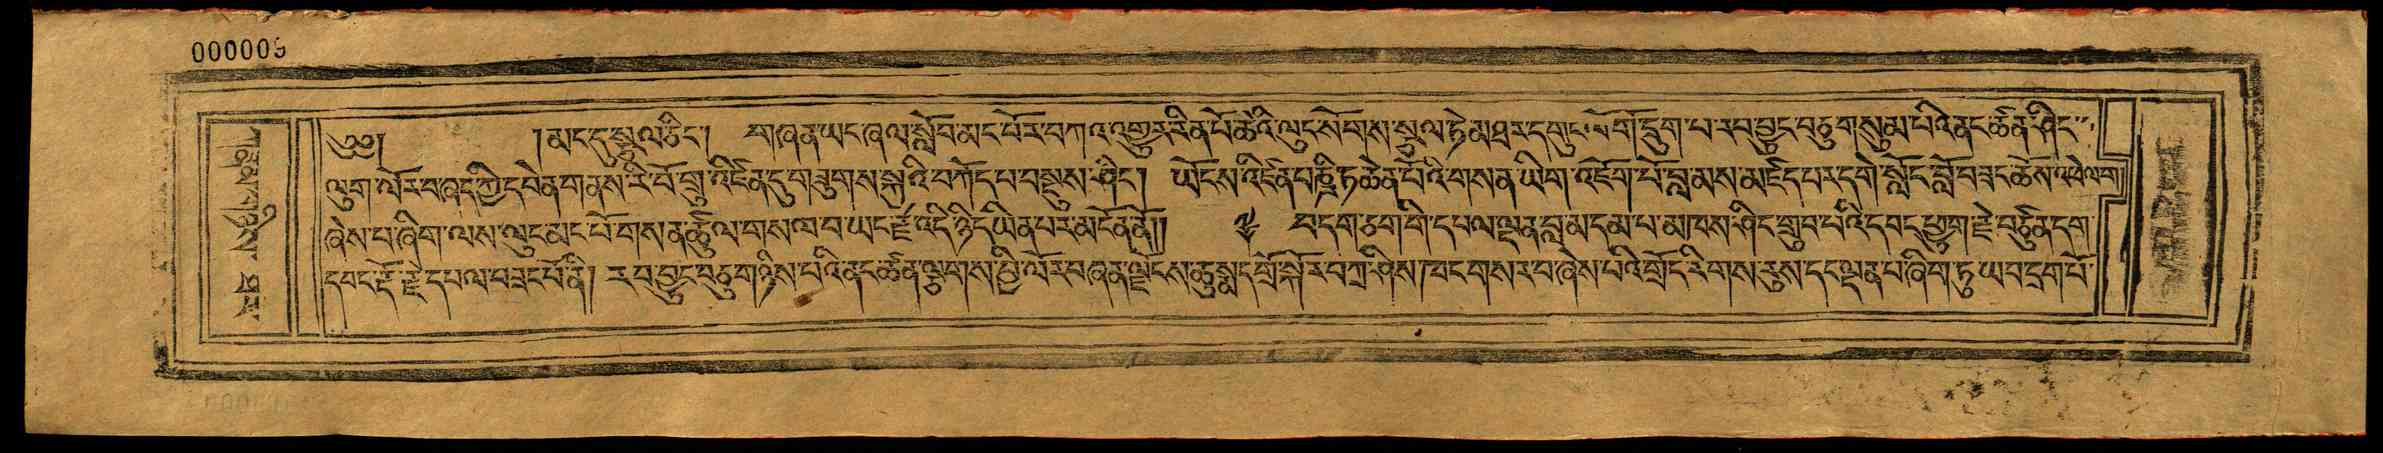༄༅། །མང་དུ་སྩལ་ཅིང་། གཞན་ཡང་ཞལ་སློབ་མང་པོར་བཀའ་འགྱུར་རིན་པོ་ཆེའི་ལུང་སོགས་སྩལ་ཏེ་མཐར་དགུང་ལོ་གོ་དྲུག་པ་རབ་བྱུང་བཅུ་གསུམ་པའི་ནང་ཚན་ཤིང་
ལུག་ལོར་བཞད་ཀྱི་དབེན་གནས་རི་བོ་གྲུ་འཛིན་དུ་གཟུགས་སྐུའི་བཀོད་པ་བསྡུས་ཤིང་། ཡོངས་འཛིན་པཎྜི་ཏ་ཆེན་པོའི་གསན་ཡིག་འཇོག་པོ་བླ་མས་མཛད་པར་དགེ་སློང་བློ་བཟང་ཆོས་འཕེལ་བ་
ཞེས་པ་ཞིག་ལས་ལུང་མང་པོ་གསན་ཚུལ་གསལ་བ་ཡང་རྗེ་འདི་ཉིད་ཡིན་པར་མངོན་ནོ།། ༈ བདག་ཅག་གི་དཔལ་ལྡན་བླ་མ་དམ་པ་མཁས་ཤིང་གྲུབ་པའི་དབང་ཕྱུག་རྗེ་བཙུན་ངག་
དབང་རྡོ་རྗེ་དཔལ་བཟང་པོ་ནི། རབ་བྱུང་བཅུ་གཉིས་པའི་ནང་ཚན་ལྕགས་བྱི་ལོར་བཞད་ལྗོངས་ཆུ་སྨད་གྲོ་སྐོར་བཀྲ་ཤིས་ཁང་གསར་པ་ཞེས་པའི་གྲོང་རིགས་རུས་དང་ལྡན་པ་ཞིག་ཏུ་ཡབ་དྲག་པོ་